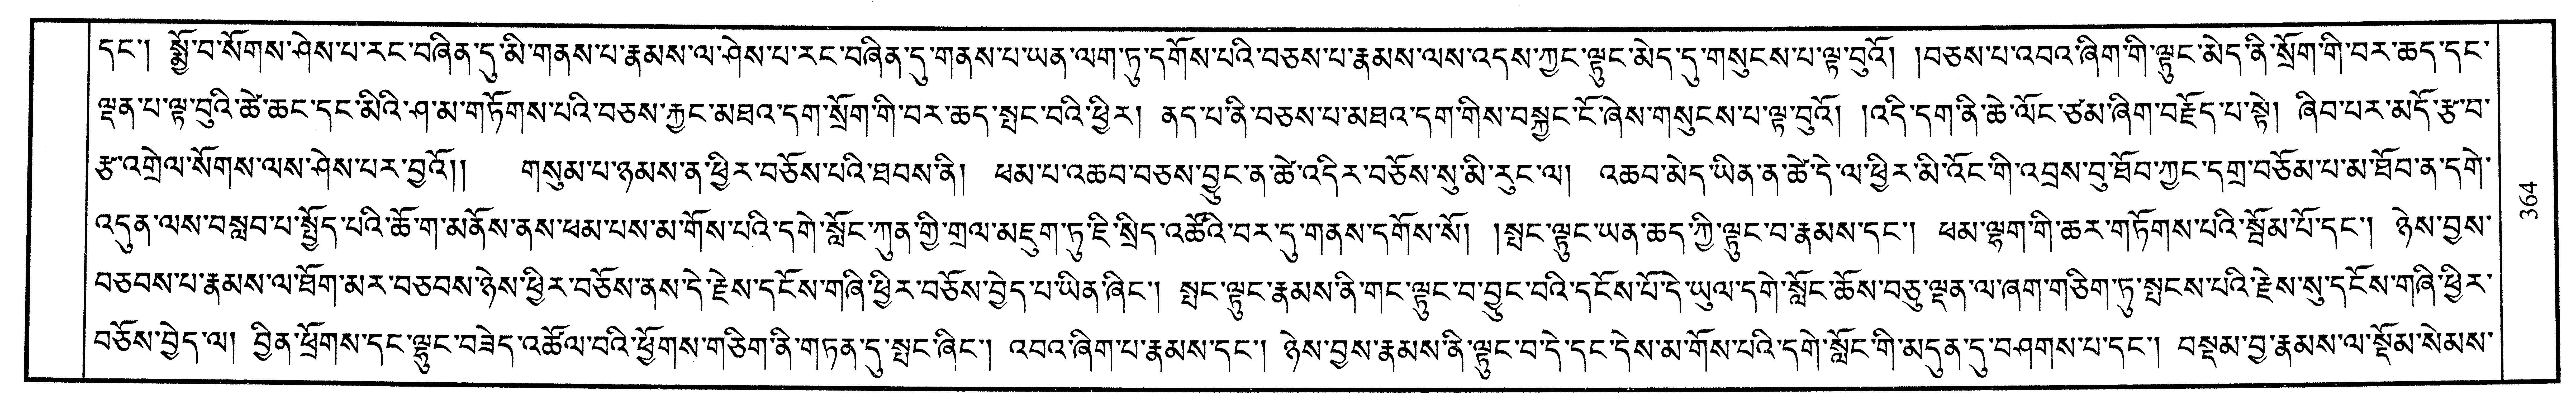དང་། སྨྱོ་བ་སོགས་ཤེས་པ་རང་བཞིན་དུ་མི་གནས་པ་རྣམས་ལ་ཤེས་པ་རང་བཞིན་དུ་གནས་པ་ཡན་ལག་ཏུ་དགོས་པའི་བཅས་པ་རྣམས་ལས་འདས་ཀྱང་ལྟུང་མེད་དུ་གསུངས་པ་ལྟ་བུའོ། །བཅས་པ་འབའ་ཞིག་གི་ལྟུང་མེད་ནི་སྲོག་གི་བར་ཆད་དང་
ལྡན་པ་ལྟ་བུའི་ཚེ་ཆང་དང་མིའི་ཤ་མ་གཏོགས་པའི་བཅས་རྐྱང་མཐའ་དག་སྲོག་གི་བར་ཆད་སྤང་བའི་ཕྱིར། ནད་པ་ནི་བཅས་པ་མཐའ་དག་གིས་བསྐྱང་ངོ་ཞེས་གསུངས་པ་ལྟ་བུའོ། །འདི་དག་ནི་ཆེ་ལོང་ཙམ་ཞིག་བརྗོད་པ་སྟེ། ཞིབ་པར་མདོ་རྩ་བ་
རྩ་འགྲོལ་སོགས་ལས་ཤེས་པར་བྱའོ།། གསུམ་པ་ཉམས་ན་ཕྱིར་བཅོས་པའི་ཐབས་ནི། ཕམ་པ་འཆབ་བཅས་བྱུང་ན་ཚེ་འདིར་བཅོས་སུ་མི་རུང་ལ། འཆབ་མེད་ཡིན་ན་ཚེ་དེ་ལ་ཕྱིར་མི་འོང་གི་འབྲས་བུ་ཐོབ་ཀྱང་དགྲ་བཅོམ་པ་མ་ཐོབ་ན་དགེ་
འདུན་ལས་བསླབ་པ་སྤྱོད་པའི་ཆོ་ག་མནོས་ནས་ཕམ་པས་མ་གོས་པའི་དགེ་སློང་ཀུན་གྱི་གྲལ་མཇུག་ཏུ་ཇི་སྲིད་འཚོའི་བར་དུ་གནས་དགོས་སོ། །སྤང་ལྟུང་ཡན་ཆད་ཀྱི་ལྟུང་བ་རྣམས་དང་། ཕམ་ལྷག་གི་ཆར་གཏོགས་པའི་སྦོམ་པོ་དང་། ཉེས་བྱས་
བཅབས་པ་རྣམས་ལ་ཐོག་མར་བཅབས་ཉེས་ཕྱིར་བཅོས་ནས་དེ་རྗེས་དངོས་གཞི་ཕྱིར་བཅོས་བྱེད་པ་ཡིན་ཞིང་། སྤང་ལྟུང་རྣམས་ནི་གང་ལྟུང་བ་བྱུང་བའི་དངོས་པོ་དེ་ཡུལ་དགེ་སློང་ཆོས་བཅུ་ལྡན་ལ་ཞག་གཅིག་ཏུ་སྤངས་པའི་རྗེས་སུ་དངོས་གཞི་ཕྱིར་
བཅོས་བྱེད་ལ། བྱིན་ཕྲོགས་དང་ལྷུང་བཟེད་འཚོལ་བའི་ཕྱོགས་གཅིག་ནི་གཏན་དུ་སྤང་ཞིང་། འབའ་ཞིག་པ་རྣམས་དང་། ཉེས་བྱས་རྣམས་ནི་ལྟུང་བ་དེ་དང་དེས་མ་གོས་པའི་དགེ་སློང་གི་མདུན་དུ་བཤགས་པ་དང་། བསྡམ་བྱ་རྣམས་ལ་སྡོམ་སེམས་